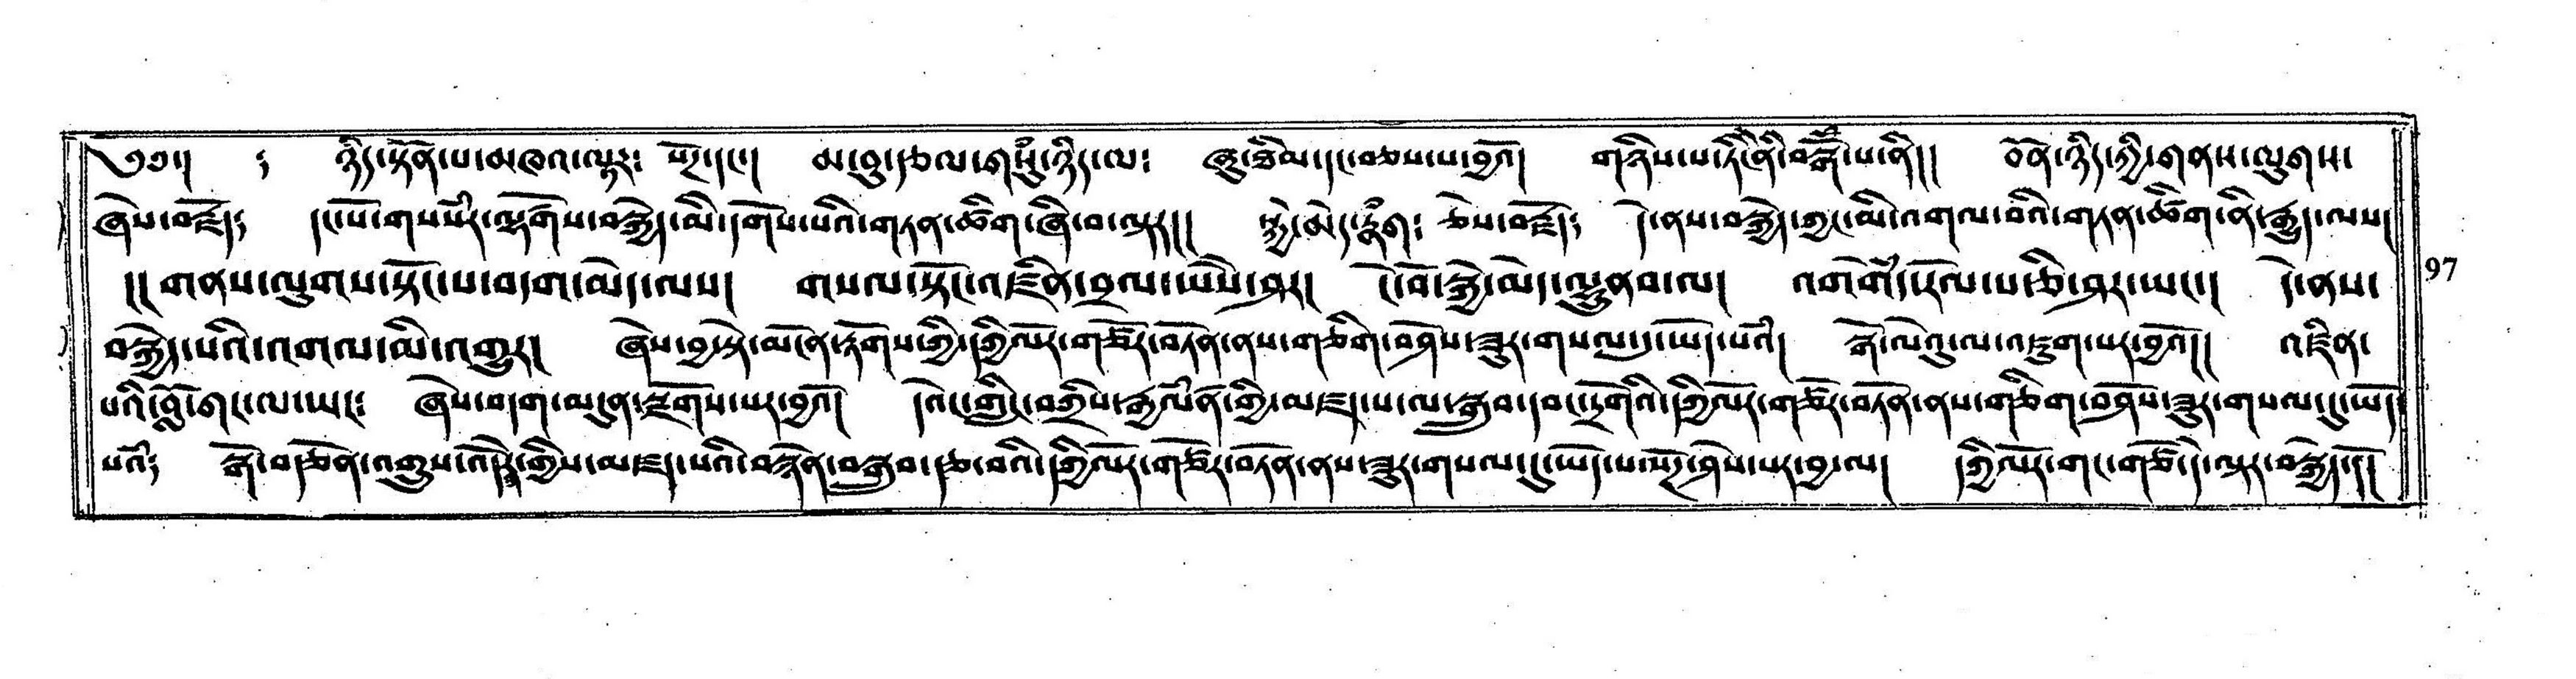ཉིད་སྟོན་པ་མཁའ་ལྟར༴ སོགས་དང་། མ་བུ་རྩལ་གསུམ་ཉིད་ལ༴ ཞུ་ཐིམ་དང་བཅས་པ་བྱའོ། གཉིས་པ་ཏིང་ངེ་འཛིན་བསྒོམ་པ་ནི།། བོན་ཉིད་ཀྱི་གནས་ལུགས་
ཞེས་བརྗོད དང་པོ་གསས་མཁར་ལྷ་ཚོགས་བསྐྱེད་མི་དགོས་པའི་གཏན་ཚིག་ཞི་བ་ལྟར།། སྐྱེ་མེད་རྣམ་དག༴ ཅེས་བརྗོད དེ་ནས་བསྐྱེད་ཀྱང་མི་འགལ་བའི་གཏན་ཚིག་ནི་རྒྱུད་ལས། 
།།གནས་ལུགས་སྟོང་པ་བདག་མེད་ལས། གསལ་སྟོང་འཛིན་བྲལ་ཡེ་ཤེས་ཤར། ངོ་བོ་སྐྱེ་མེད་ལྷུན་གྲུབ་ལ། འགག་མེད་རོལ་པ་ཅི་ཤར་ཡང་། དེ་ནས་
བསྐྱེད་པའི་འགལ་མི་འགྱུར། ཞེས་བྱ་སྟེ་མངོན་རྟོགས་ཀྱི་དཀྱིལ་འཁོར་གཙོར་བཏོན་ནས་གཅིག་བཤོས་ཟུར་གསལ་དུ་ཡོད་་པའམ། སྒོ་ལེའུ་ལ་འཇུག་པར་བྱའོ།། འཛིན་
པའི་བློ་གང་ལ་ཡང་༴ ཞེས་བདག་མདུན་རྫོགས་པར་བྱའོ། དེའང་གླིང་བཀྲ་ཤིས་རྒྱལ་མཚན་གྱི་མཛད་པ་ལ་སྒྲུབ་དབང་དྲག་པོའི་དཀྱིལ་འཁོར་གཙོར་བཏོན་ནས་གཅིག་བཤོས་ཟུར་གསལ་དུ་ཡོད་
པའམ། སྒོ་བརྩོན་འགྲུས་འོད་ཟེར་གྱིས་མཛད་པའི་བསྙེན་བསྒྲུབ་རྩ་བའི་དཀྱིལ་འཁོར་གཙོར་བཏོན་ནས་ཟུར་གསལ་དུ་ཡོད་པ་སོགས་ཤེས་པར་བྱ་ལ། དཀྱིལ་འཁོར་གང་གཙོ་དེ་ལྟར་བསྐྱེད་དོ།